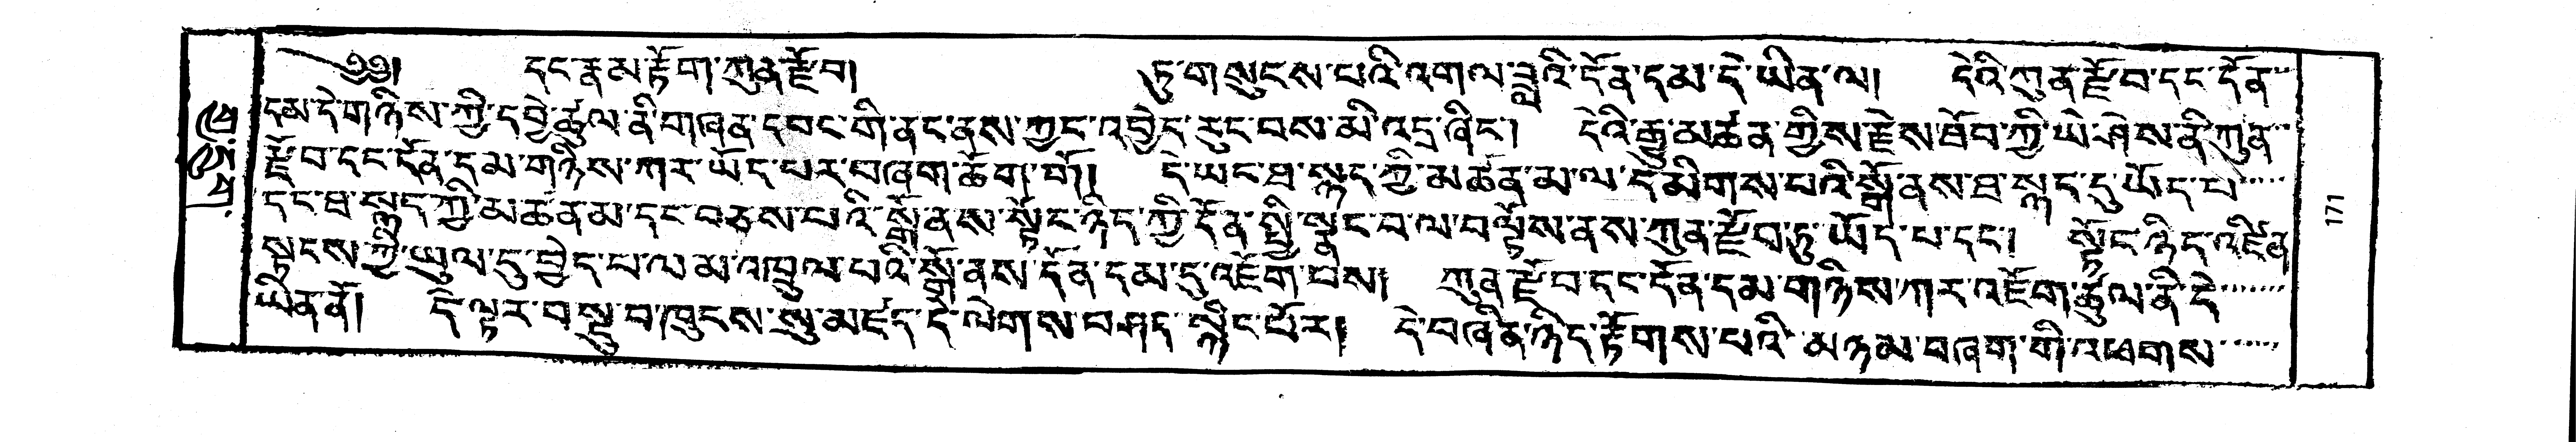༄༅། །དང་རྣམ་རྟོག་ཀུན་རྫོབ། ཏུ་གསུངས་པའི་འགལ་ཟླའི་དོན་དམ་དེ་ཡིན་ལ། དེའི་ཀུན་རྫོབ་དང་དོན་
དམ་དེ་གཉིས་ཀྱི་དབྱེ་ཚུལ་ནི་གཞན་དབང་གི་ནང་ནས་ཀྱང་འབྱེད་རུང་བས་མི་འདྲ་ཞིང་། དེའི་རྒྱུ་མཚན་གྱིས་རྗེས་ཐོབ་ཀྱི་ཡེ་ཤེས་ནི་ཀུན་
རྫོབ་དང་དོན་དམ་གཉིས་ཀར་ཡོད་པར་བཞག་ཆོག་གོ། དེ་ཡང་ཐ་སྙད་ཀྱི་མཚན་མ་ལ་དམིགས་པའི་སྒོ་ནས་ཐ་སྙད་དུ་ཡོད་པ་
དང་ཐ་སྙད་ཀྱི་མཚན་མ་དང་བཅས་པའི་སྒོ་ནས་སྟོང་ཉིད་ཀྱི་དོན་སྤྱི་སྣང་བ་ལ་བལྟོས་ནས་ཀུན་རྫོབ་ཏུ་ཡོད་པ་དང་། སྟོང་ཉིད་འཛིན་
སྟངས་ཀྱི་ཡུལ་དུ་བྱེད་པ་ལ་མ་འཁྲུལ་པའི་སྒོ་ནས་དོན་དམ་དུ་འཇོག་པས། ཀུན་རྫོབ་དང་དོན་དམ་གཉིས་ཀར་འཇོག་ཚུལ་ནི་དེ་
ཡིན་ནོ། དེ་ལྟར་བསྡུ་བ་ཁུངས་སུ་མཛད་དེ་ལེགས་བཤད་སྙིང་པོར། དེ་བཞིན་ཉིད་རྟོགས་པའི་མཉམ་བཞག་གི་འཕགས་